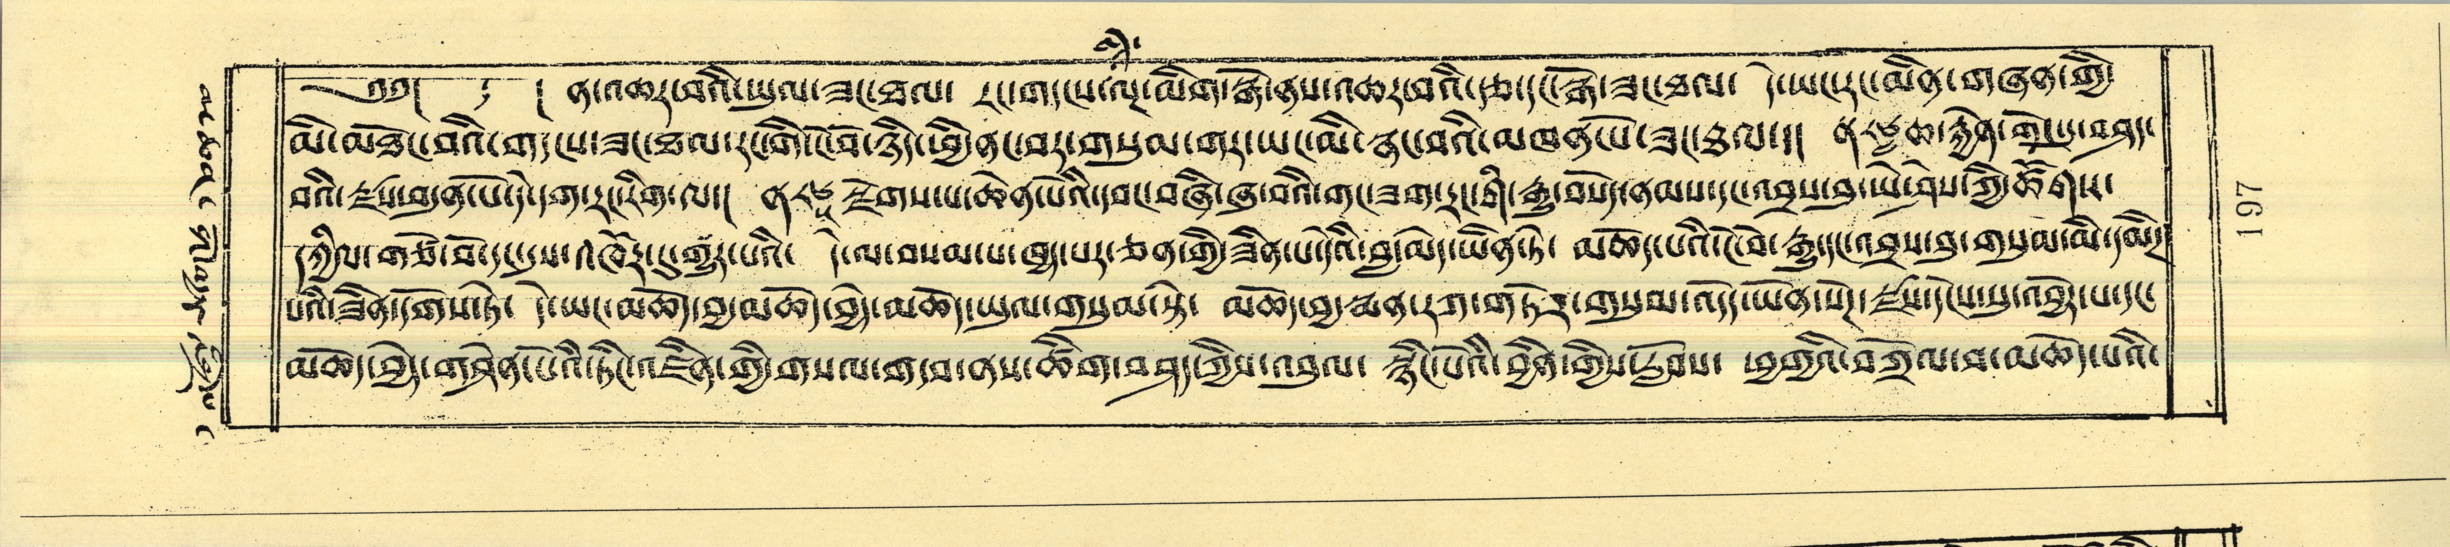ན་འཆར་བའི་ལུས་ཟང་ཐལ་རང་གདངས་འོད་ལྔ་མིག་སྒོ་ནས་འཆར་བའི་རྩ་དང་སྒོ་ཟང་ཐལ་དེ་ཡང་རང་མིན་གཞན་གྱིས་
མི་མཐོང་བའི་གདངས་ཟང་ཐལ་རང་གི་ངོ་བོ་ཉིད་ཕྱི་ནང་བར་གསུམ་གར་ཡང་མི་སྣང་བའི་མཁན་པོ་༼ཟང་ཐལ༽ན༨༦།༤༼ཆ་རྐྱེན༽གོང་དུ་བཤད་
པའི་རྫས་བདུན་པོ་དེ་དག་རང་རིག་ལ། ན༨༦།༥རྫོགས་པ་ཆེན་པོའི་དབང་བཞི་ཞུ་བའི་གང་ཟག་༼རང་གི༽བསོད་ནམས་དང་འབྲས་བུ་ཡེ་ཤེས་ཀྱི་༼ཚོགས་
དཀྱིལ༽གཙོ་བོ་དང་དུས་༼འཁོར༽དུ་གྱུར་པའི་དེ་ལ་བསམ་པ་ཁྱད་པར་ཅན་གྱིས་ཟིན་པ་དེའི་བླ་མེད་ཡིན་ཏེ། མཆོད་པའི་ངོ་བོ་རྒྱུ་དང་འབྲས་བུ་གསུམ་མི་དམིགས་
པའི་ཟིན་དགོས་ཏེ་དེ་ཡང་མཆོད་བྱ་མཆོད་བྱེད་མཆོད་ཡུལ་གསུམ་ཏེ། མཆོད་བྱ་སྨན་རག་གཏོར་གསུམ་འདོད་ཡོན་སོགས་རྫས་དངོས་སུ་འབྱོར་བ་དང་
མཆོད་བྱེད་གཤེན་པོའི་ཏིང་གྱི་གསལ་གདབ་ནས་ཚིག་བཤད་ཀྱིས་འབུལ། སྙིང་པོའི་བྱིན་གྱིས་བརླབས། ཕྱག་རྒྱའི་བཀྲོལ་བ་མཆོད་པའི་